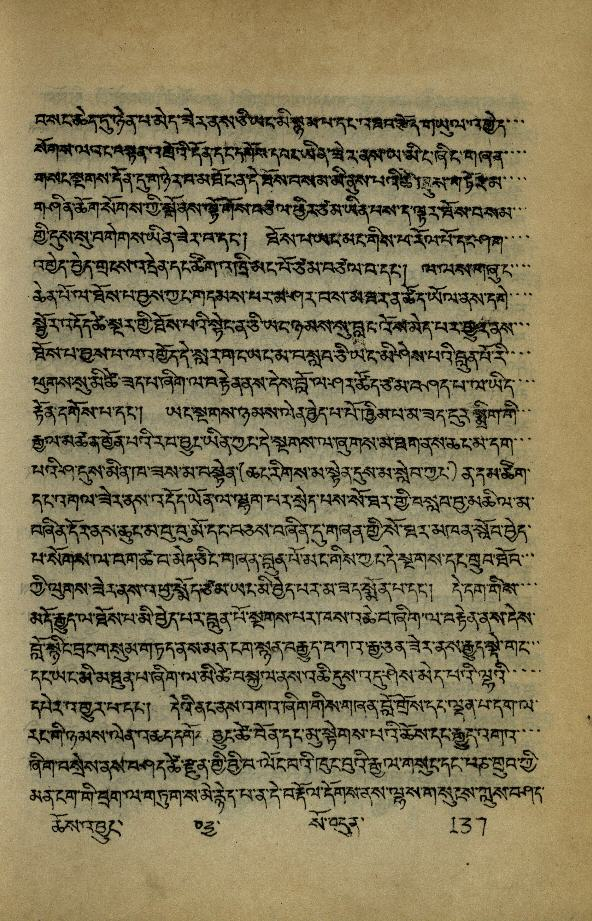བསང་ཆེད་དུ་ཉེན་པ་མེད་ཟེར་ནས་ཅི་ཡང་མི་སྙམ་པ་དང་འཐབ་རྩོད་གཡུལ་འགྱེད་
སོགས་ལའང་བསྟན་འགྲོའི་དོན་དང་དགོས་དབང་ཡིན་ཟེར་ནས་ལ་མིང་ཞིང་གཞན་
གསང་སྔགས་དོན་དུ་གཉེར་བ་མཐོང་ན་དེ་ཐོས་བསམ་མི་ནུས་པའི་ཚེ་ཁྲུས་གཏོར་མ་
གཤིན་ཆོག་སོགས་ཀྱི་སྒོ་ནས་ལྟོ་གོས་བཙལ་ཕྱིར་ཙམ་ཡིན་པས་ད་ལྟར་ཐོས་བསམ་
གྱི་དུས་སུ་བགེགས་ཡིན་ཟེར་བ་དང་། ཐོས་པ་བྱང་མང་གིས་ཕ་རོལ་པོ་དང་ཤག་
འགྱེད་བྱེད་གྲངས་འདྲེན་དང་ཚིག་འཁྲི་མང་པོ་ཙམ་བཙལ་བ་དང་། ལ་ལས་གཞུང་
ཆེན་པོ་ལ་ཐོས་པ་བྱས་ཀྱང་གདམས་པར་མ་ཤར་བས་མཐར་ན་ཚོད་ཡོལ་ནས་དགེ་
སྦྱོར་འདོད་ཚེ་སྔར་གྱི་ཐོས་པའི་སྟེང་ན་ཅི་ཡང་ཉམས་སུ་བླང་འོས་མེད་པར་གྱུར་ནས་
ཐོས་པ་བྱས་པ་ལ་འགྱོད་དེ་སླར་གང་ཡང་མ་བསླབ་ཅི་ཡང་མི་ཤེས་པའི་བླུན་པོ་རི་
ཕུགས་སུ་མི་ཚེ་ཟད་པ་ཞིག་ལ་བརྟེན་ནས་དེས་བློ་ལ་ཤར་ཚོད་ཙམ་བཤད་པ་ལ་ཡིད་
རྟོན་དགོས་པ་དང་། ཡང་སྔགས་ཉམས་ལེན་བྱེད་པ་པོ་ཁྱིམ་པ་མ་ཟད་དུར་སྨྲིག་གི་
རྒྱལ་མཚན་གྱོན་པའི་རབ་བྱུང་ཡིན་ཀྱང་དེ་སྔགས་ལ་ཞུགས་མ་ཐག་ནས་ཆང་མ་དག་
པའི་ཤ་དུས་མིན་ཁ་ཟས་མ་བསྟེན་ཆང་རིགས་མ་སྟེན་དུས་མ་སླེབ་ཀྱང་ན་དམ་ཚིག་
དང་འགལ་ཟེར་ནས་འདོད་ཡོན་ལ་ལྷག་པར་སྲེད་པས་སོ་ཐར་གྱི་བསླབ་བྱ་མཆིལ་མ་
བཞིན་དོར་ནས་ཆུང་མ་བུ་བུ་མོ་དང་བཅས་བཞིན་དུ་གཞན་གྱི་སོ་ཐར་མཁན་སློབ་བྱེད་
པ་སོགས་ལ་བག་ཚ་བ་མེད་ཅིང་གཞན་བླུན་པོ་མང་གིས་ཀྱང་དེ་སྔགས་དང་གྲུབ་ཐོབ་
ཀྱི་ལུགས་ཟེར་ནས་འཕྱ་སྨོད་ཙམ་ཡང་མི་བྱེད་པར་མ་ཟད་སྨོན་པ་དང་། དེ་དག་གིས་
མདོ་རྒྱུད་ལ་ཐོས་པ་མི་བྱེད་པར་བླུན་པོ་སྔགས་པར་ཁས་འཆེ་བ་ཞིག་ལ་བརྟེན་ནས་དེས་
བློ་སྙིང་བྲང་གསུམ་གཏད་ནས་མན་ནང་སྙན་བརྒྱུད་བཀའ་རྒྱ་རྒྱ་ཅན་ཟེར་ནས་རྒྱུད་སྡེ་གང་
དང་ཡང་མི་མཐུན་པ་ཞིག་ལ་མི་ཚེ་བསྐྱལ་ནས་འཆི་དུས་འདུ་ཤེས་མེད་པའི་ལྷའི་
དཔེར་འགྱུར་པ་དང་། དེའི་ནང་ནས་འགའ་ཞིག་གིས་གཞན་བློ་གྲོས་དང་ལྡན་པ་དག་ལ་
རང་གི་ཉམས་ལེན་འཆད་དགོས་བྱུང་ཚེ་བོན་དང་མུ་སྟེགས་པའི་ཆོས་དང་རྒྱུད་འགའ་
ཞིག་བསྲེས་ནས་བཤད་ཚེ་རྫུན་གྱི་བྱི་བ་ལོང་བའི་ཁུང་བུའི་རྒྱལ་གསུང་དང་པཎ་གྲུབ་ཀྱི་
མན་ངག་གི་བྲག་ལ་གཏུག་ས་མེ་རྙེད་པ་ན་དེ་བརྡོལ་དོགས་ནས་ལྷས་གསུངས་ཀླུས་བཤད་